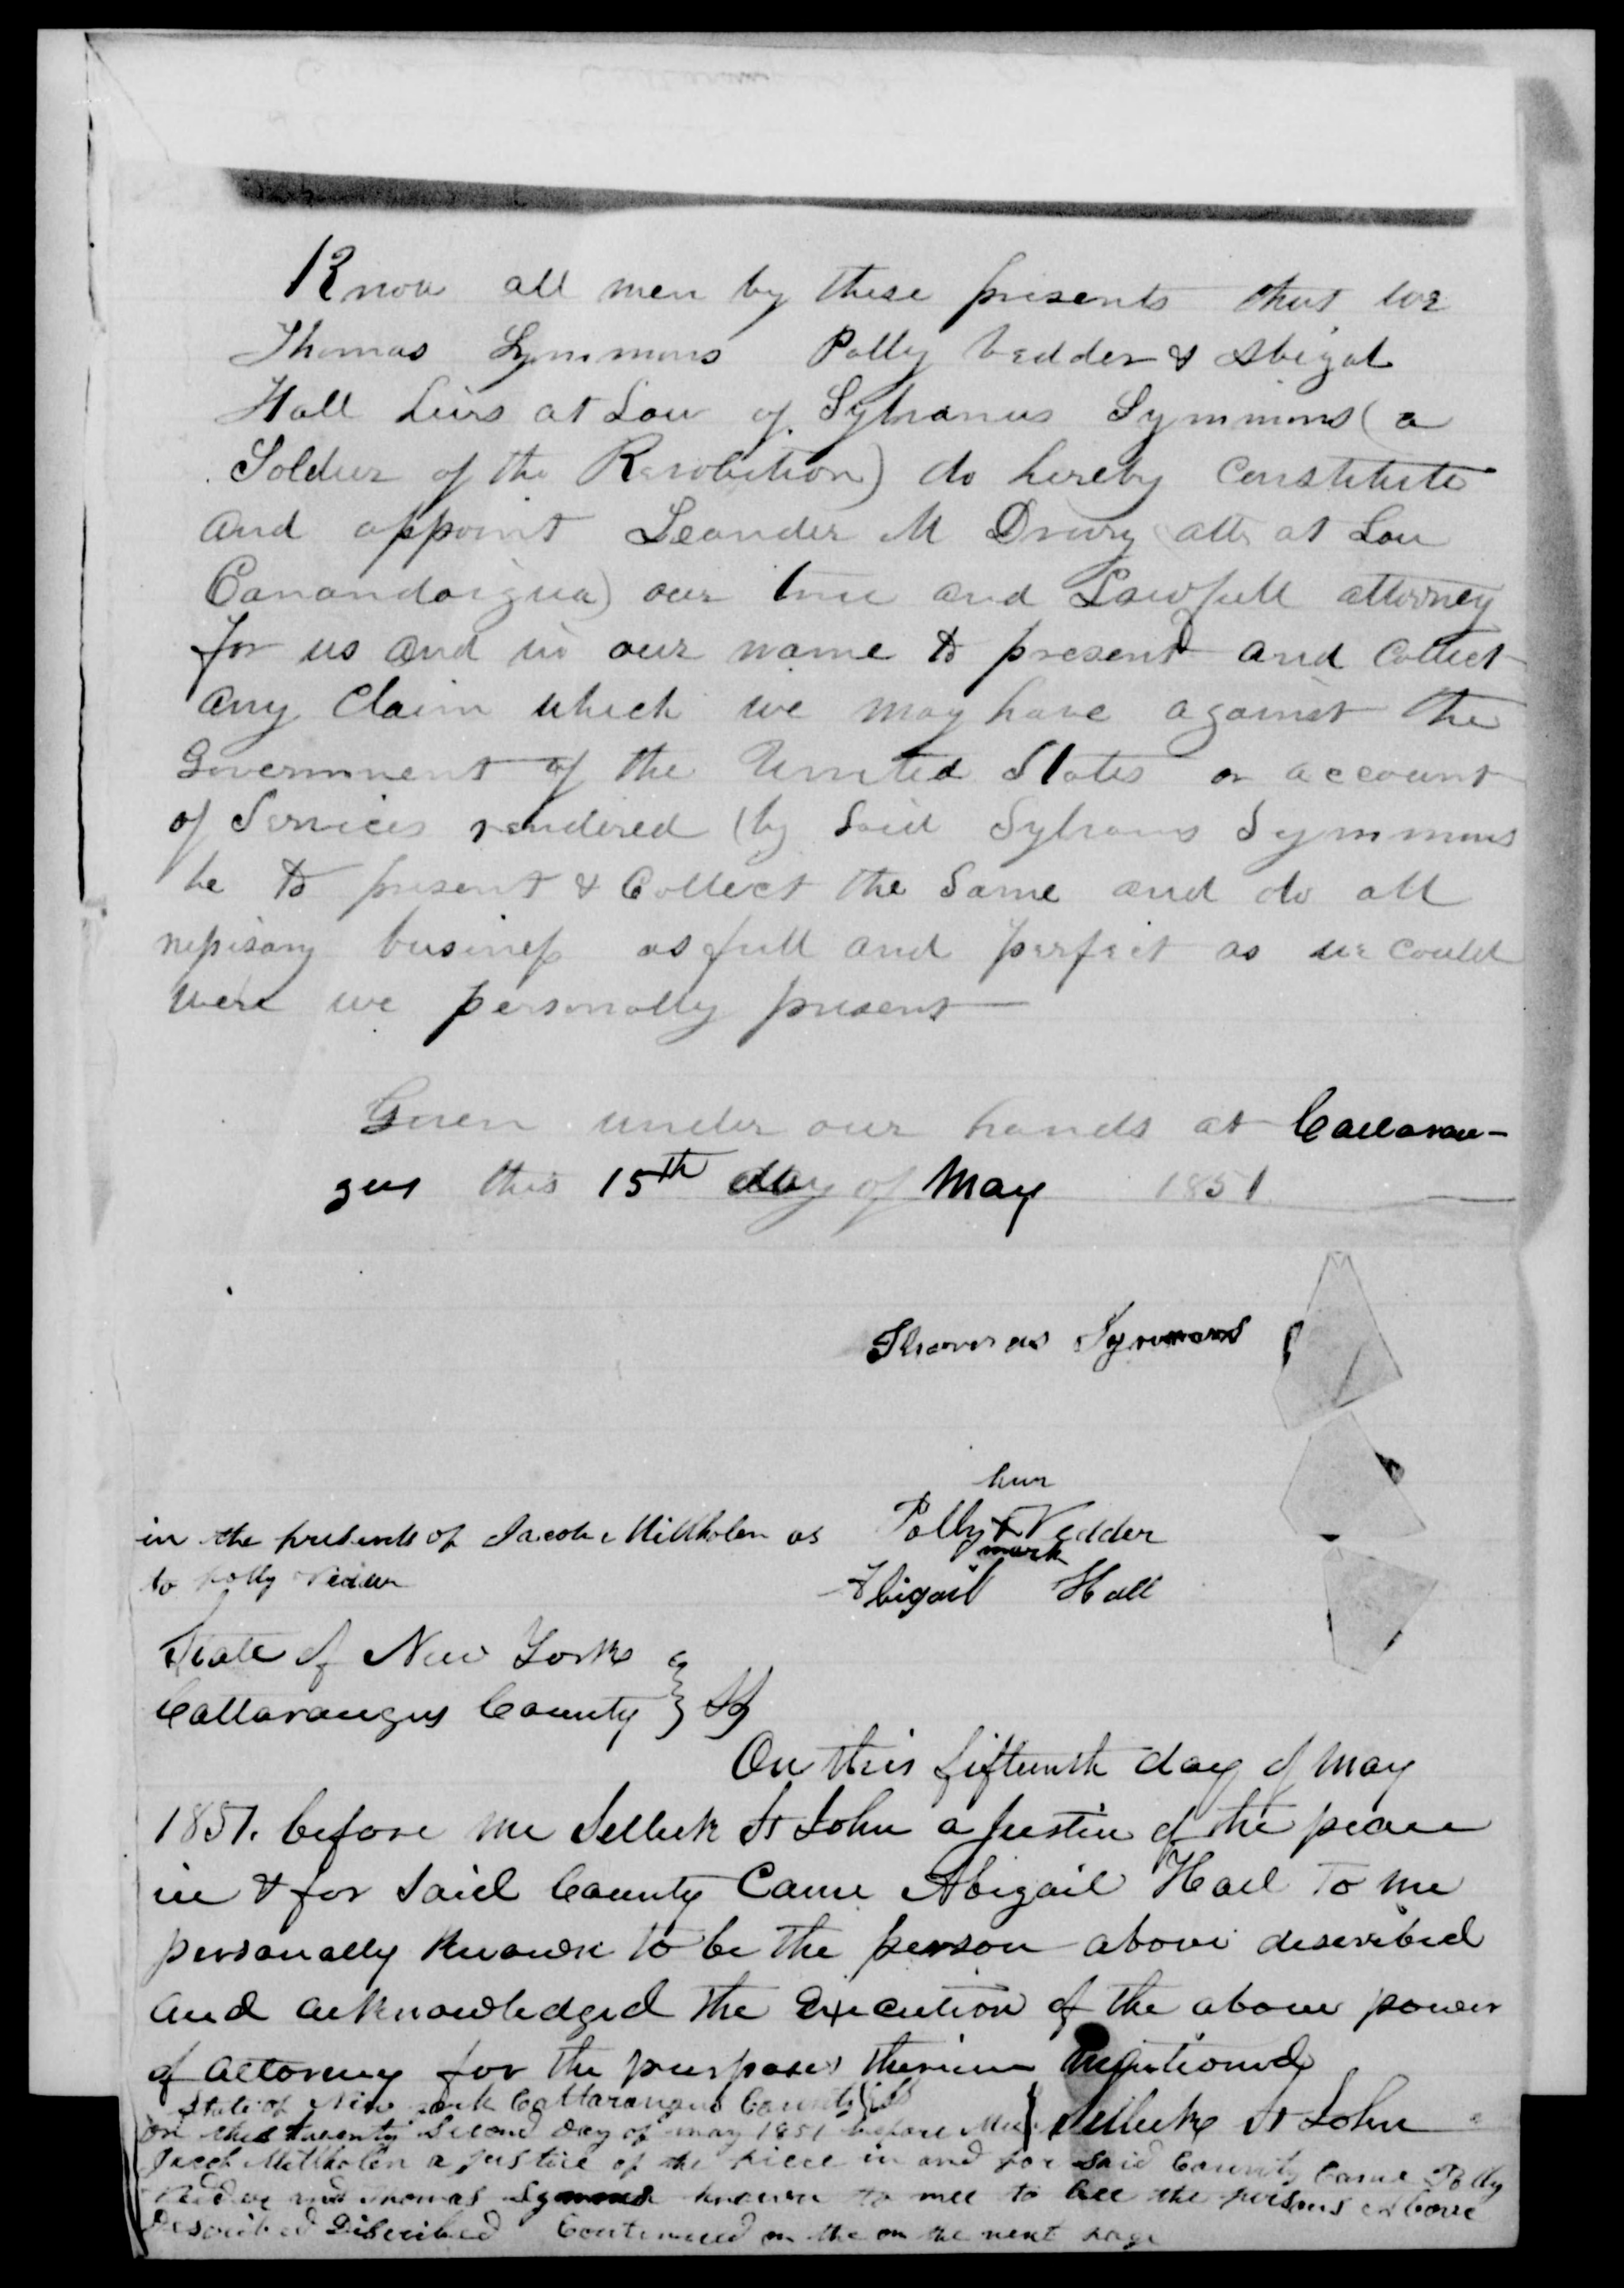Know all men by these presents that we
Thomas Symmons Polly Vedder & Abigal
Hall heirs at Law of Sylvanus Symmons (a
Soldier of the Revolution) do hereby constitute
and appoint Leander M Drury (atty at Law
Canandaigua) our true and Lawfull attorney
for us and in our name to present and collect
any claim which we may have against the
Government of the United States on account
of Services rendered by said Sylvan Symmons
he to present & collect the same and do all
nessisary business as full and perfect as we could ┃
were we personally present
Given under our hands at Cattaraugus
this 15th day of May 1851
Thomas Symmons

in the presents of Jacob Millholen as
to Polly Vedder
her
Polly X Vedder
mark
Abigail Hall

State of New York
Cattaraugus County ⎬ SS
On this fifteenth day of May
1851, before me Selleck St John a Justice of the peace
in & for said County Came Abigail Hall to me
personally known to be the person above described
and acknowledged the execution of the above power
of attorney for the purposes therein mentioned
Selleck St John

State of New York Cattaraugus County}SS 
on this twenty second day of May 1851 before me
Jacob Milllholen a Justice of the piece in and for said County Came Polly
Vedder and Thomas Symmonds known to mee  to bee the persons Above
described discribed   Continued in the on the next page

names: Thomas Symond; Polly Vedder; Polly Vedder; Polly Vedder; Thomas Symmons; Leander M Drury; Abigail Hael; Thomas Symmons; Sylvanus Symmons; Selleck St John; Polly Vedder; Selleck St John; Sylvanus Symmons; Abigail Hall; Jacob Millholen; Abigal Hall; Jacob Millholen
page: 12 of 31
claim: survivor's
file: S. 14484, for Sylvanus Simmons, New York